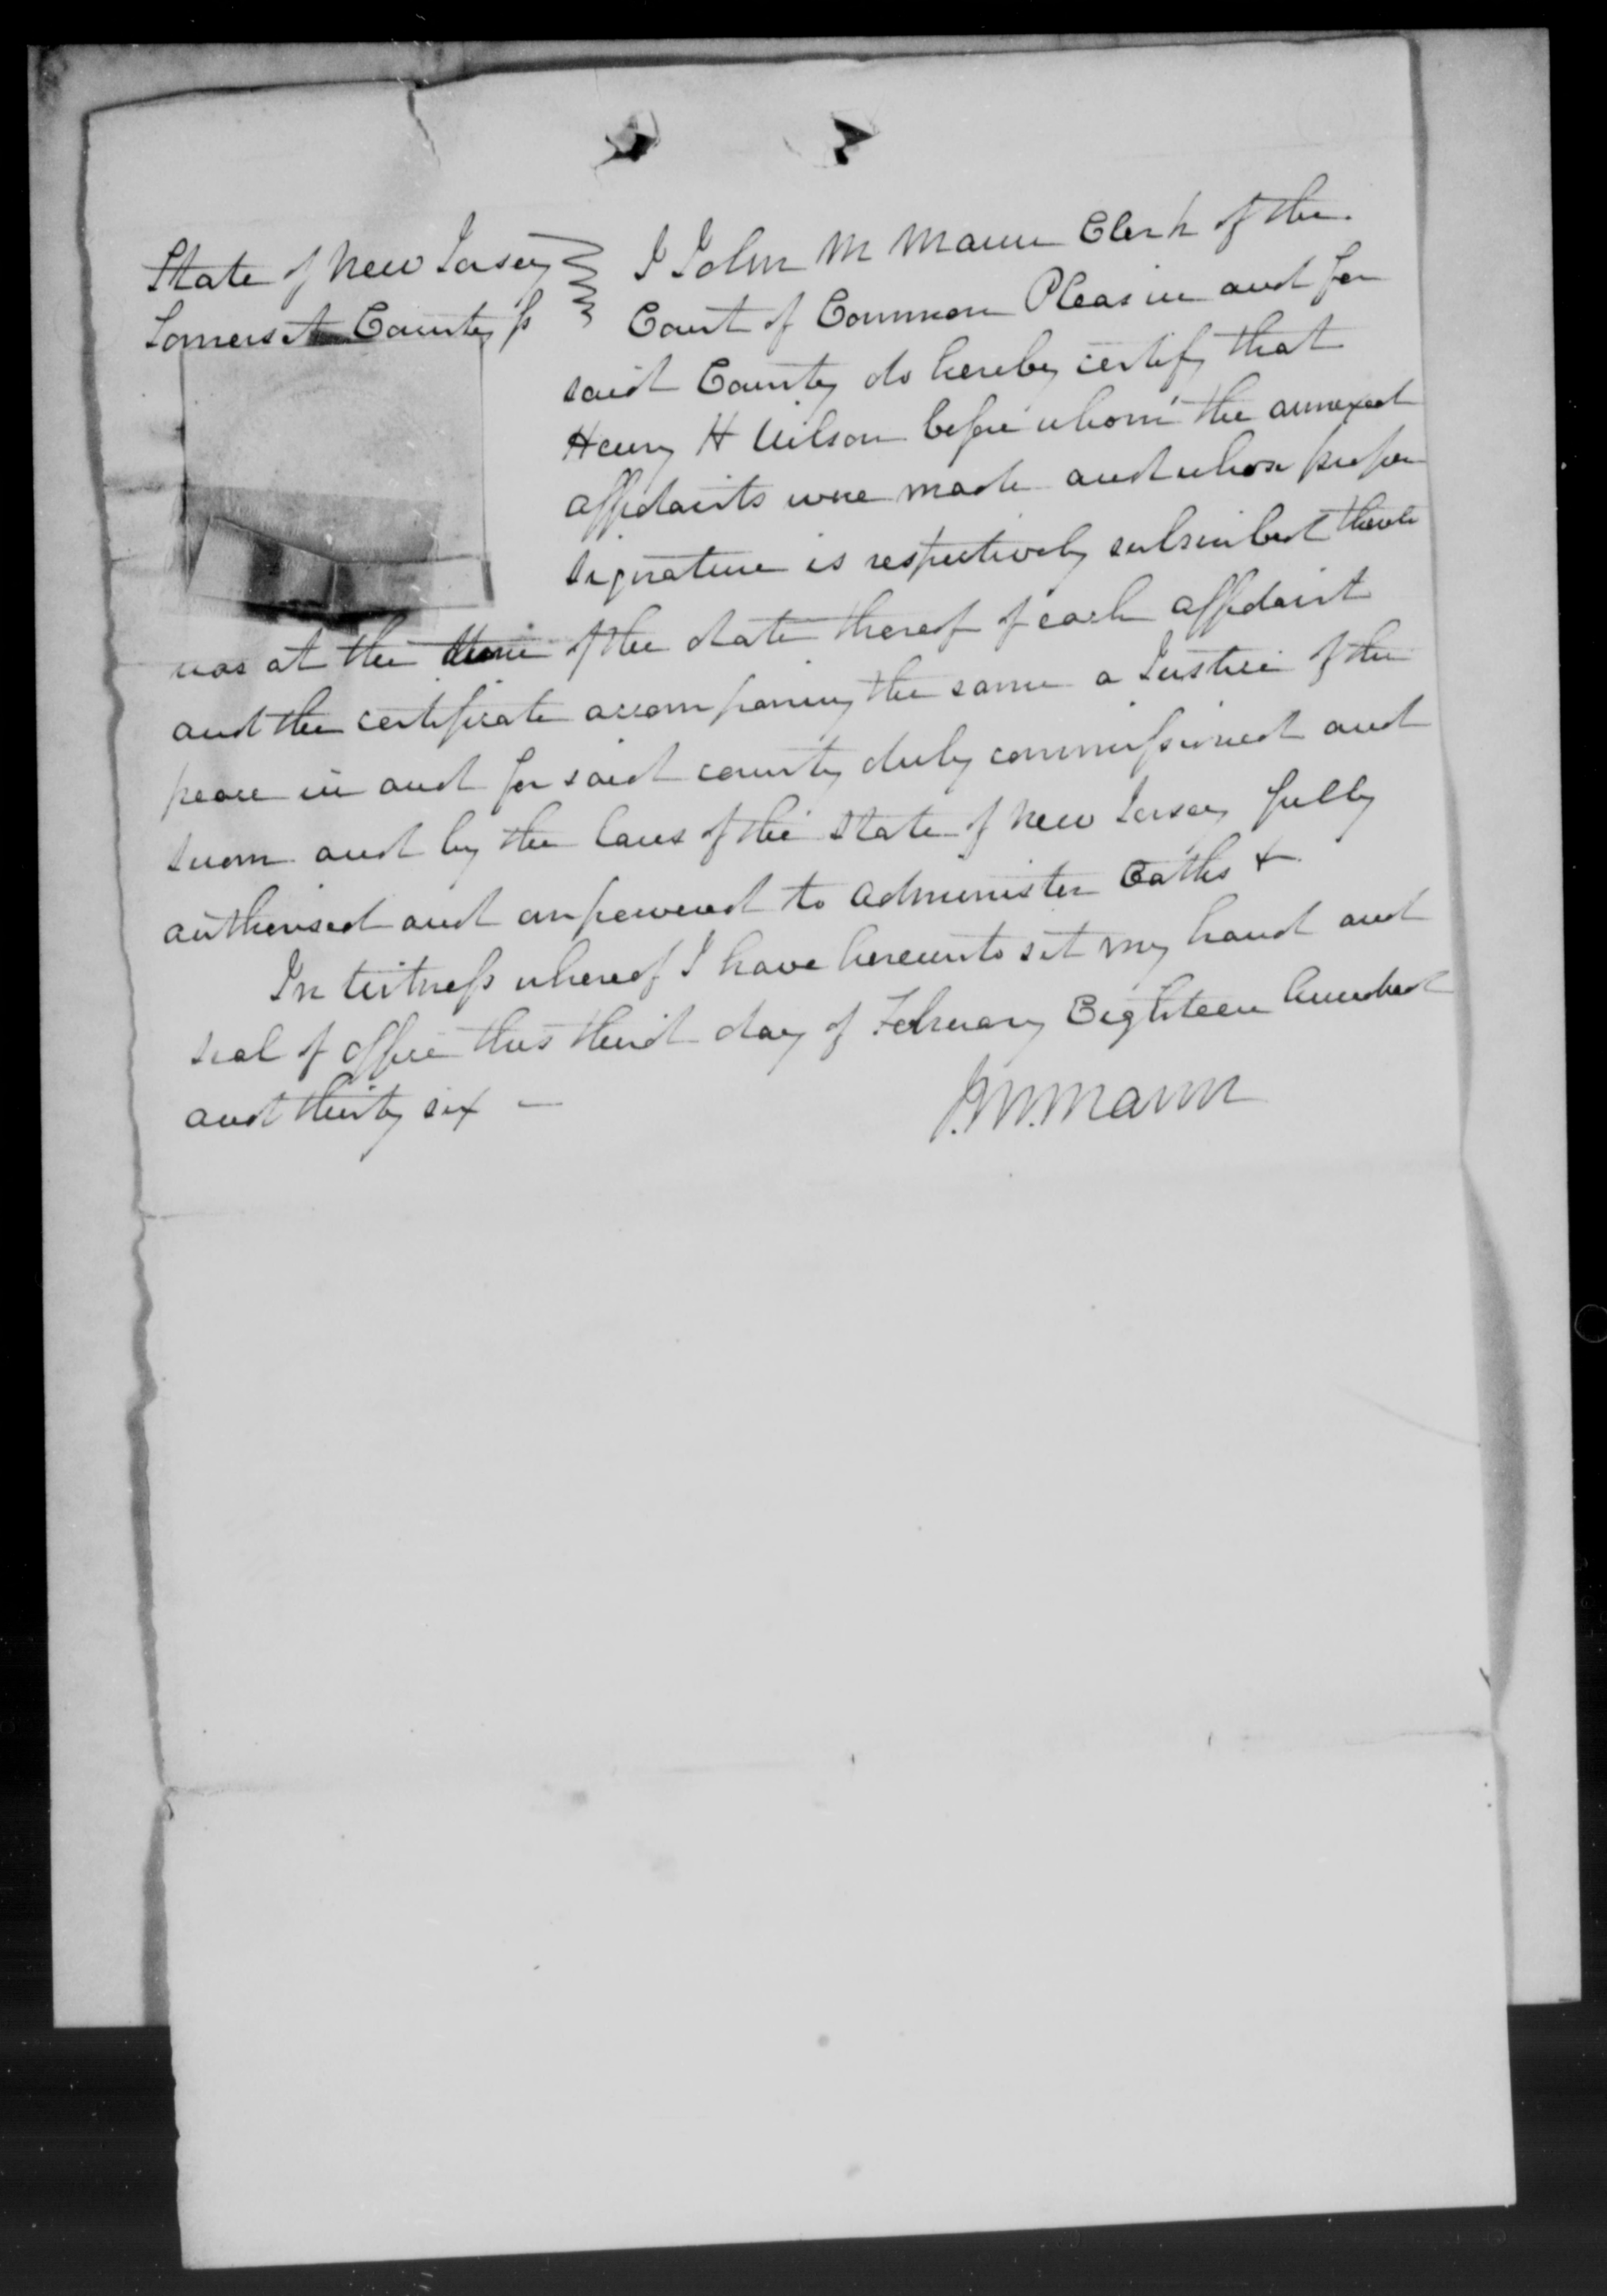State of New Jersey
Somerset County ss }

I John M Mann Clerk of the Court of Common Pleas in and for said County do hereby certify that Henry H Wilson before whom the annexed affidavits were made and whose proper signature is respectively subscribed thereto was at the time of the date thereof of each affidavit and the certificate accompanying the same a Justice of the peace in and for said county duly commissioned and sworn and by the laws of the State of New Jersey fully authorised and empowered to administer oaths &c

In witness whereof I have hereunto set my hand and seal of office this third day of February Eighteen hundred and thirty six.

J. M. Mann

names: Henry H Wilson, John M Mann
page: 37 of 40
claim: survivor's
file: S. 3564, Mindart Wilson, New Jersey